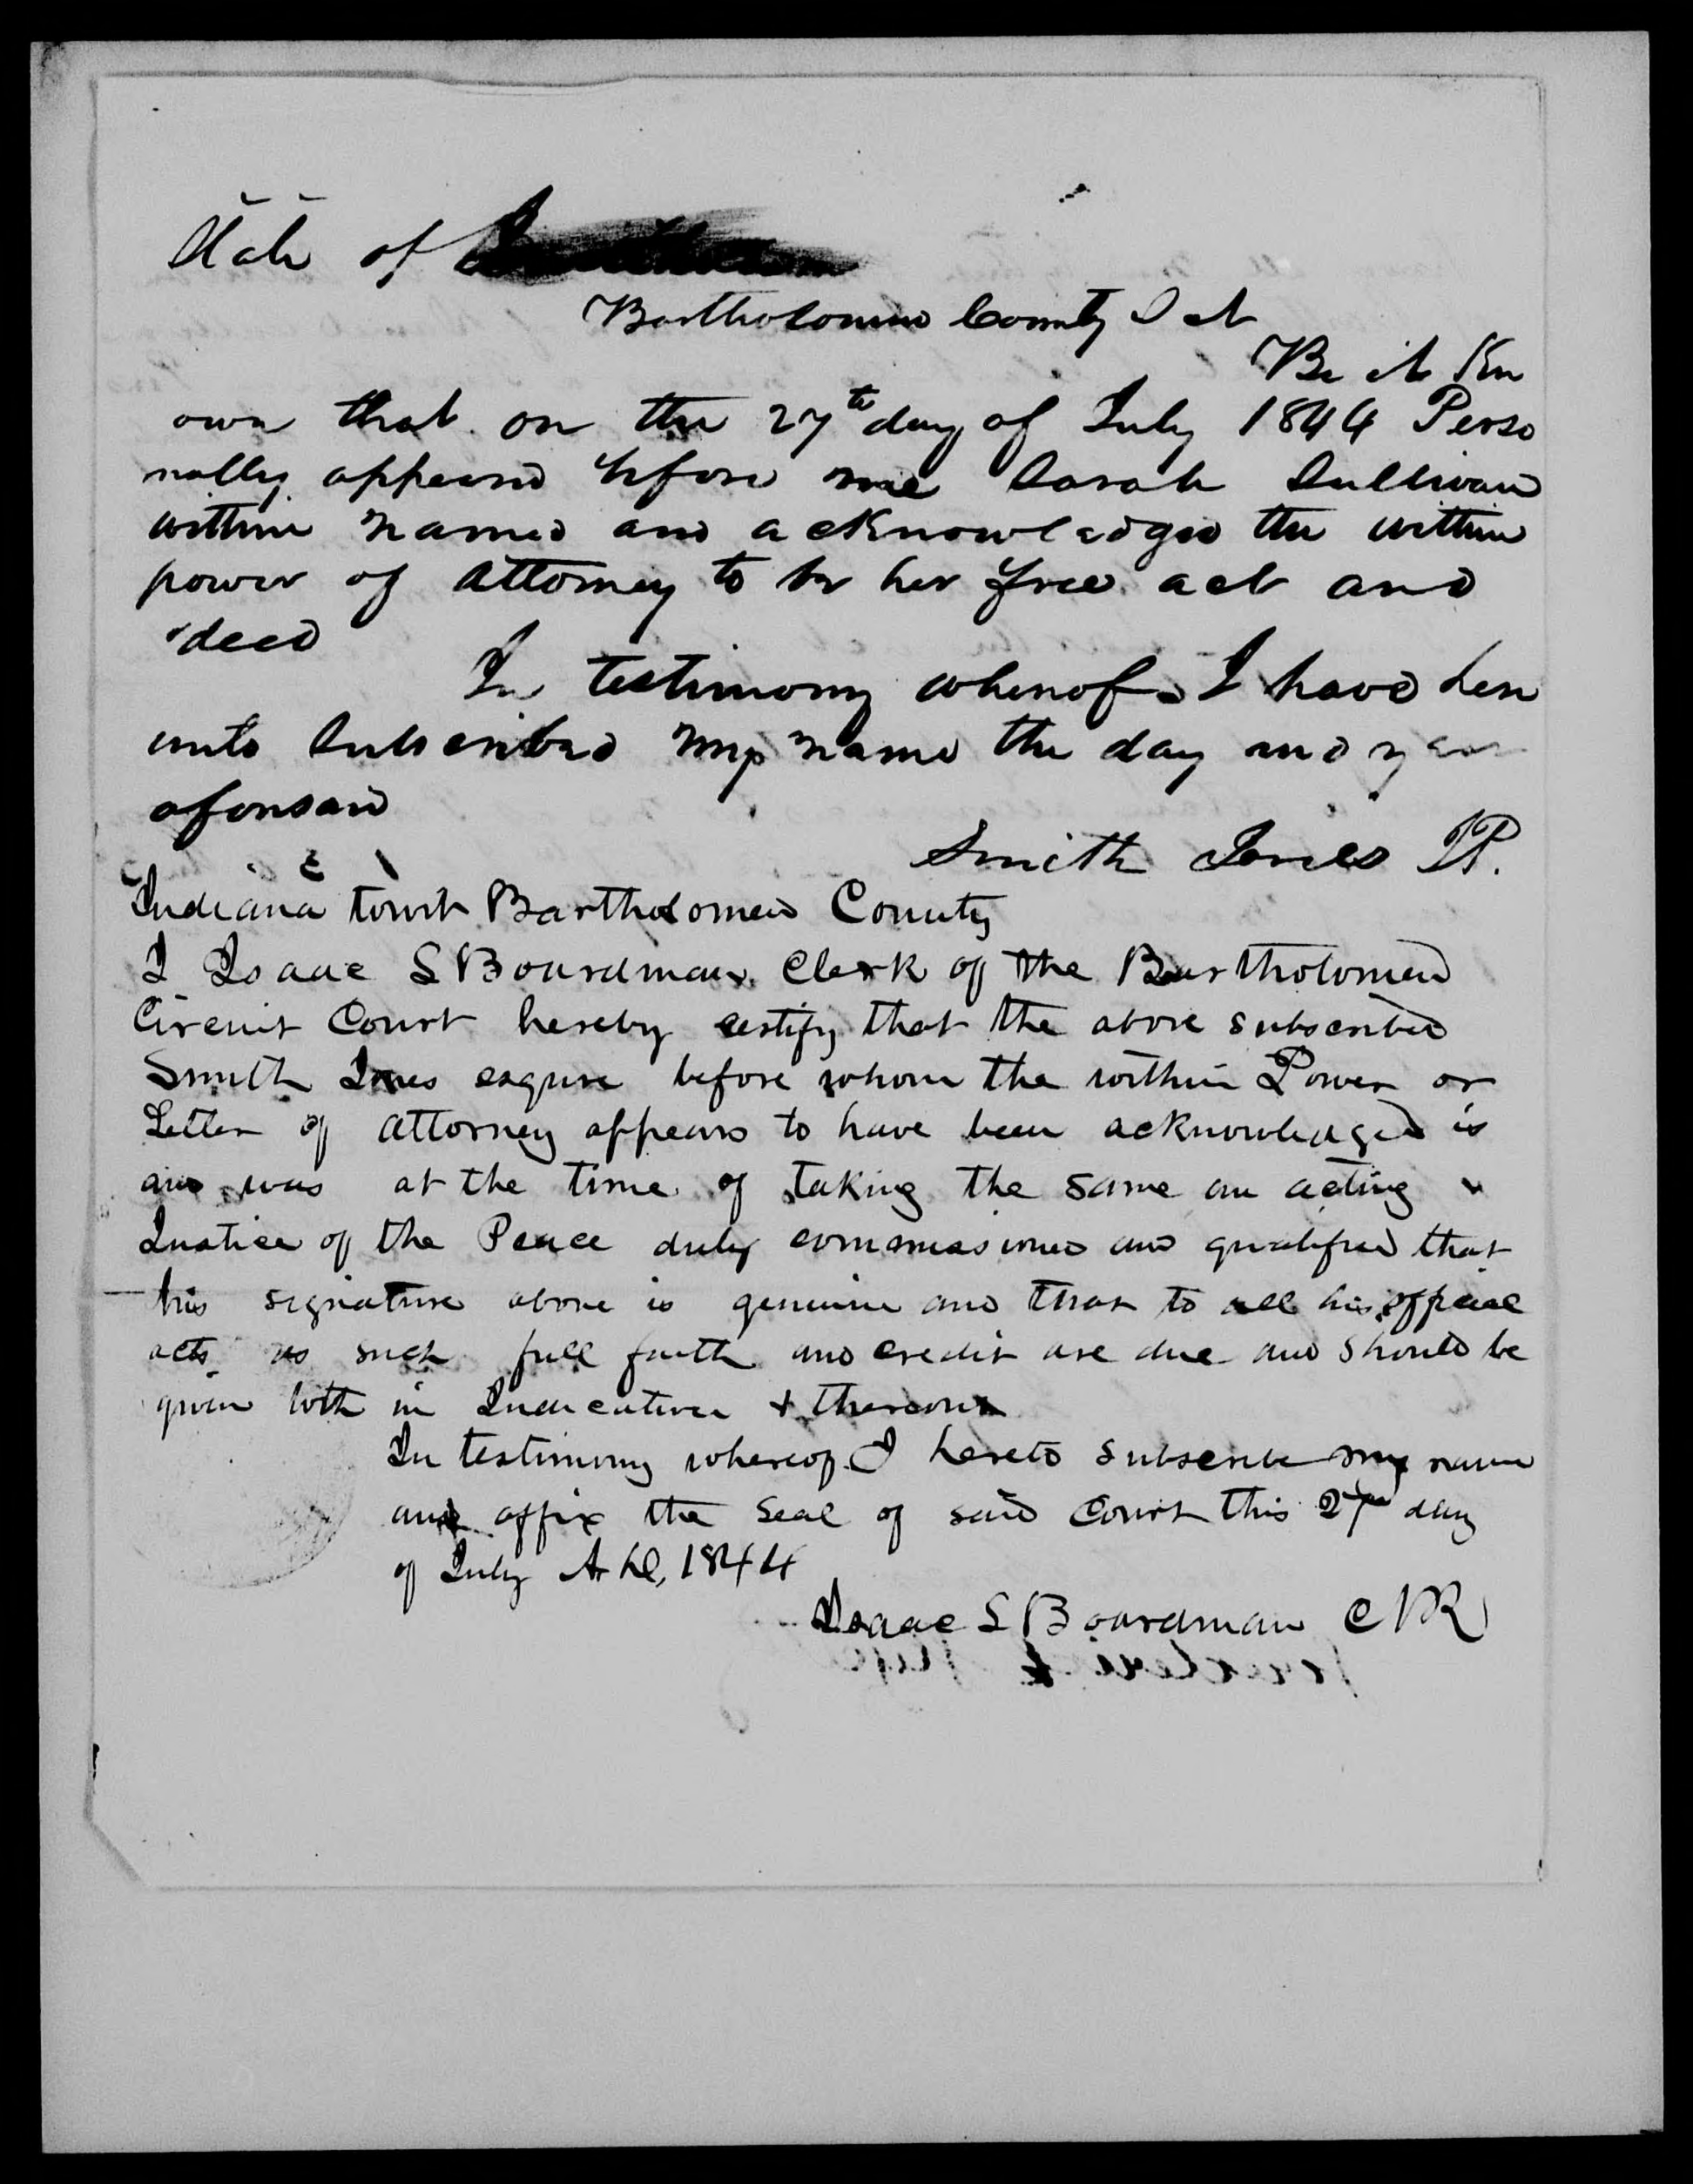State of Indiana Bartholomew County Sct
Be it known that on the 27th day of July 1844 Personally appeared before me Sara Sullivan within named and acknowledged the within power of attorney to be her free act and deed
In testimony whereof I have hereunto subscribed my name the day and year aforesaid
[signed] Smith Jones JP.

Indiana to wit. Bartholomew County
I Isaac S Boardman Clerk of the Bartholomew Circuit Court hereby certify that the above subscribed Smith Jones esquire before whom the within Power or Letter of Attorney appears to have been acknowledged is and was at the time of taking the same an acting  Justice of the Peace duly commissioned and qualified that his signature above is genuine and that to all his official acts as such full faith and credit are due and should be given both in Indication[sp] & thereon
In testimony whereof I hereto subscribe my name and affix the seal of said court this 27th day of July A.D. 1844
[signed] Isaac S Boardman Clk

[illegible Court Seal affixed at left]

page: 23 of 78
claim: widow's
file: W. 25,169, for Daniel Sullivan, Maryland